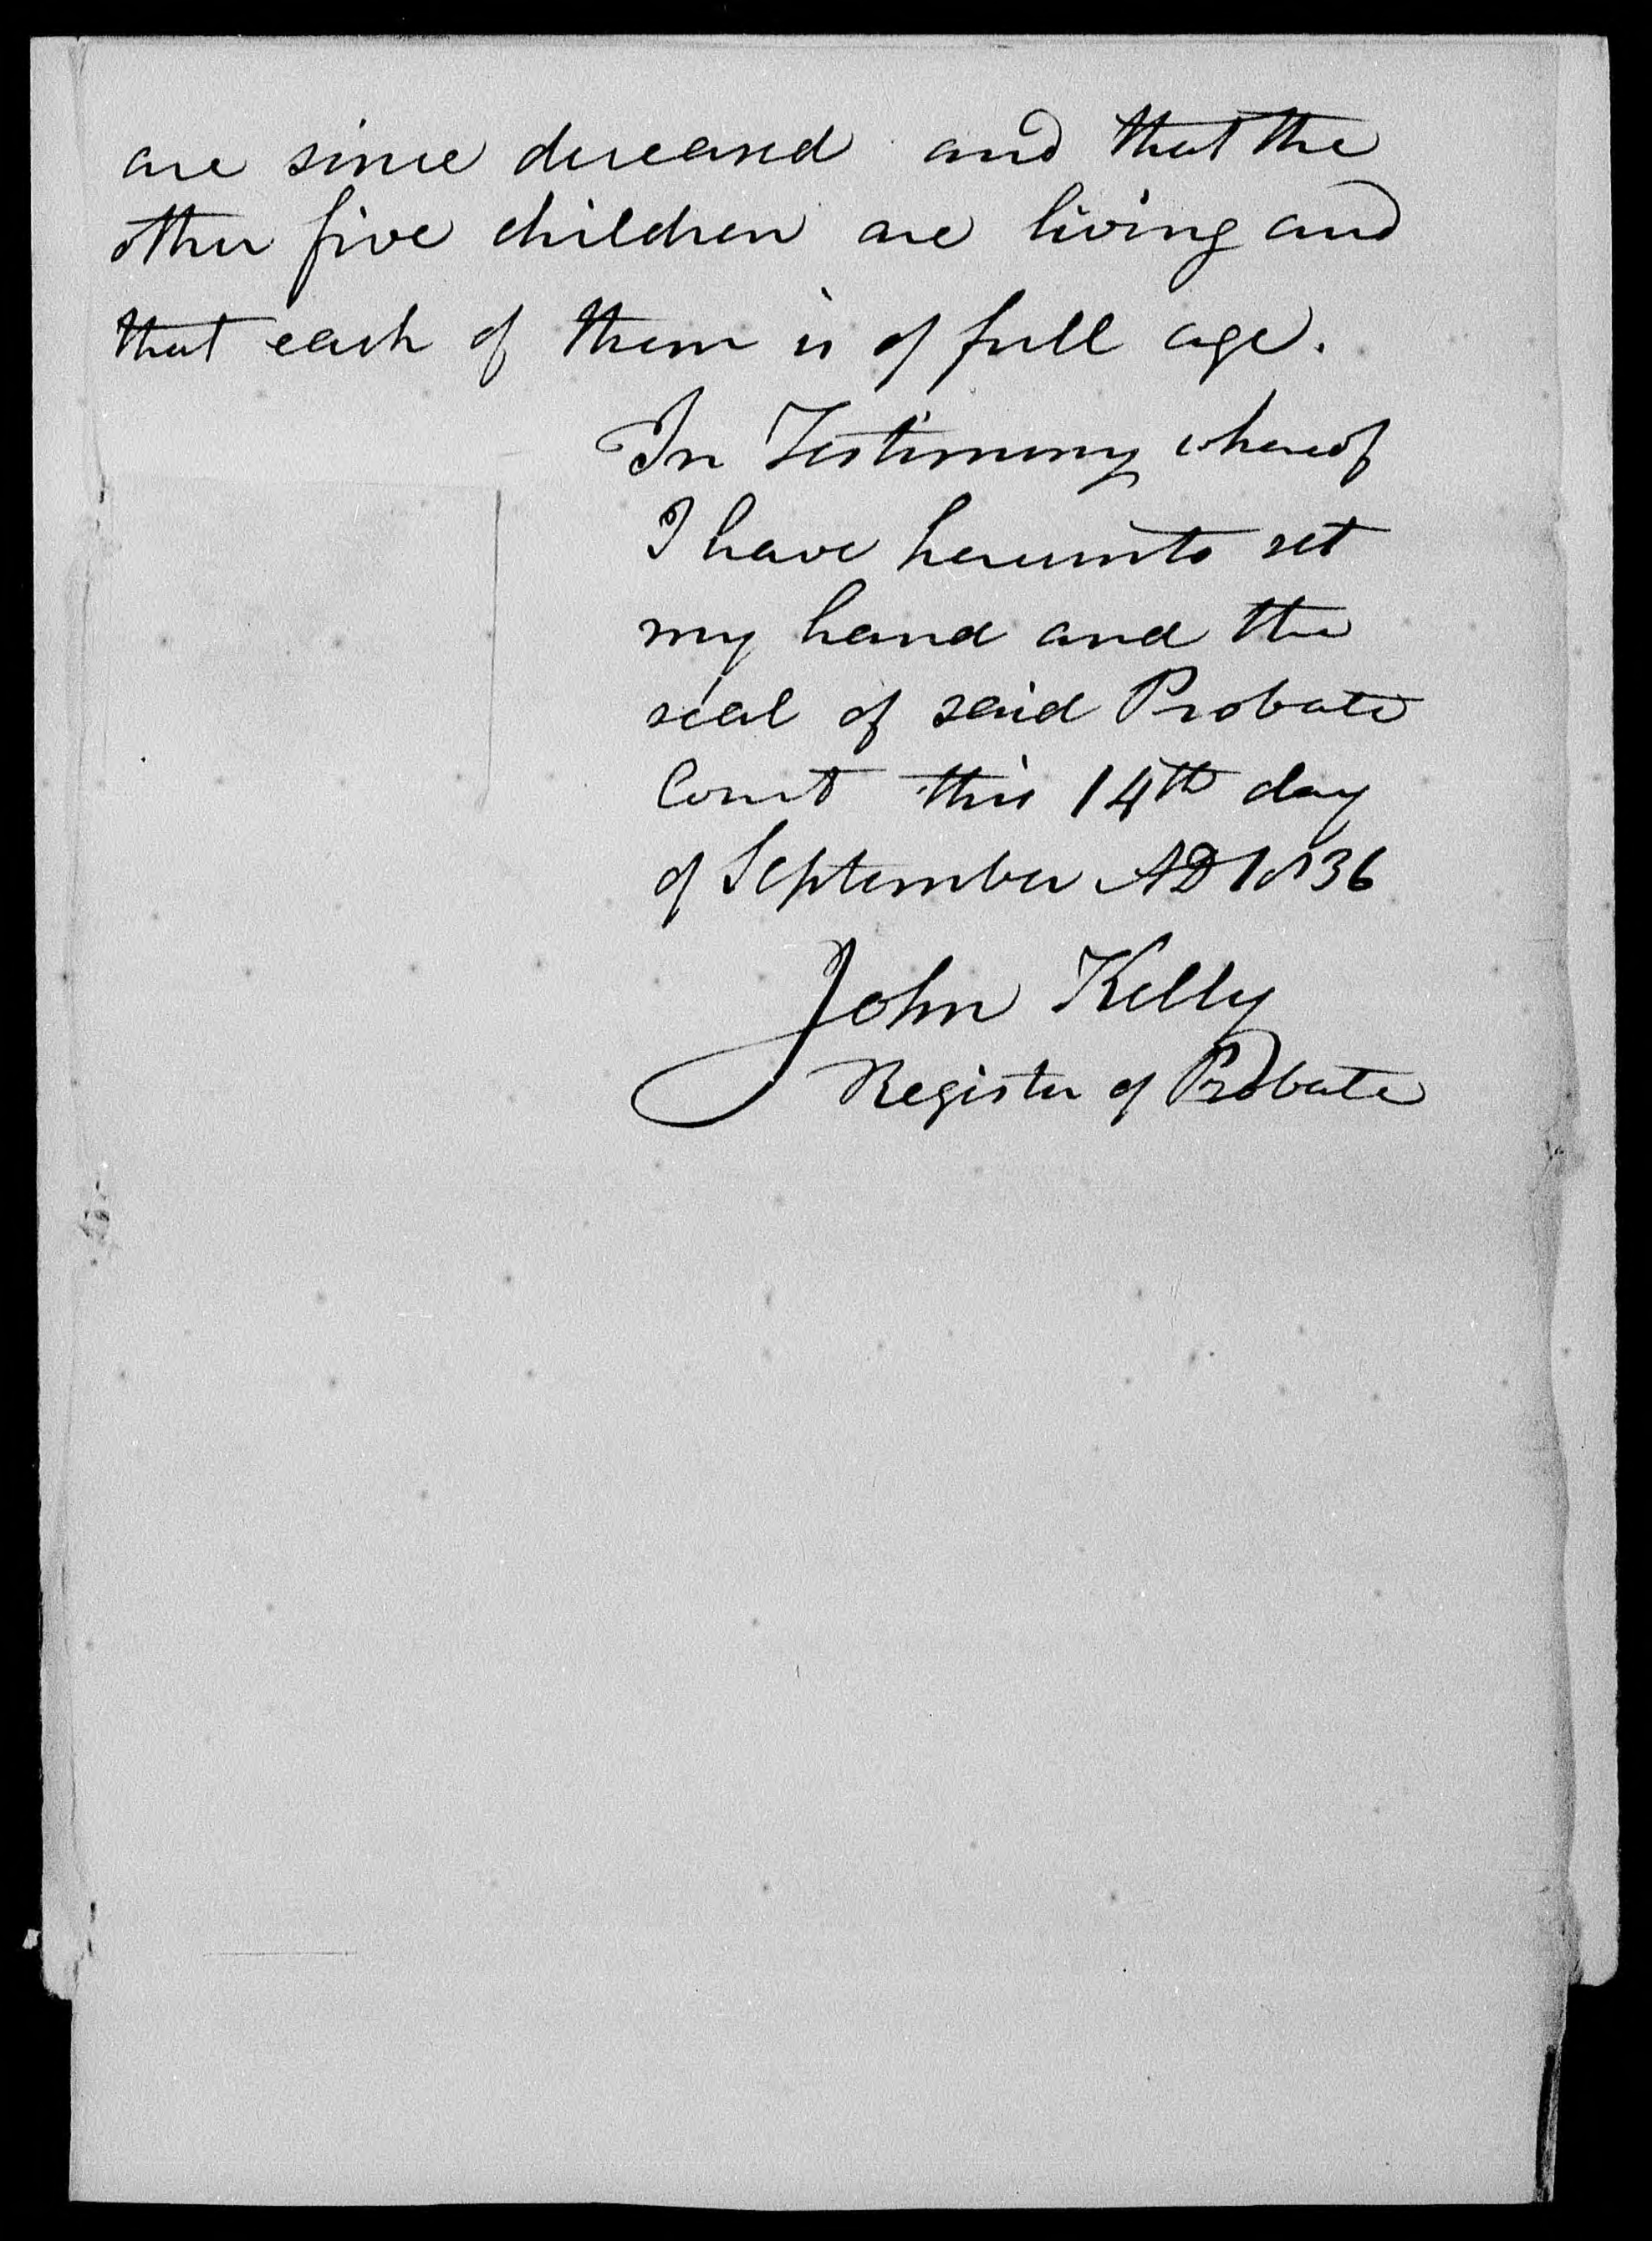are since deceased and that the other five children are living and that each of them is of full age.
In Testimony whereof I have hereunto set my hand and the seal of said Probate Court this
14th day of September AD 1836
John Kelly
Register of Probate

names: John Kelly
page: 10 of 35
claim: survivor's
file: S. 10912, for Daniel Jewell, New Hampshire